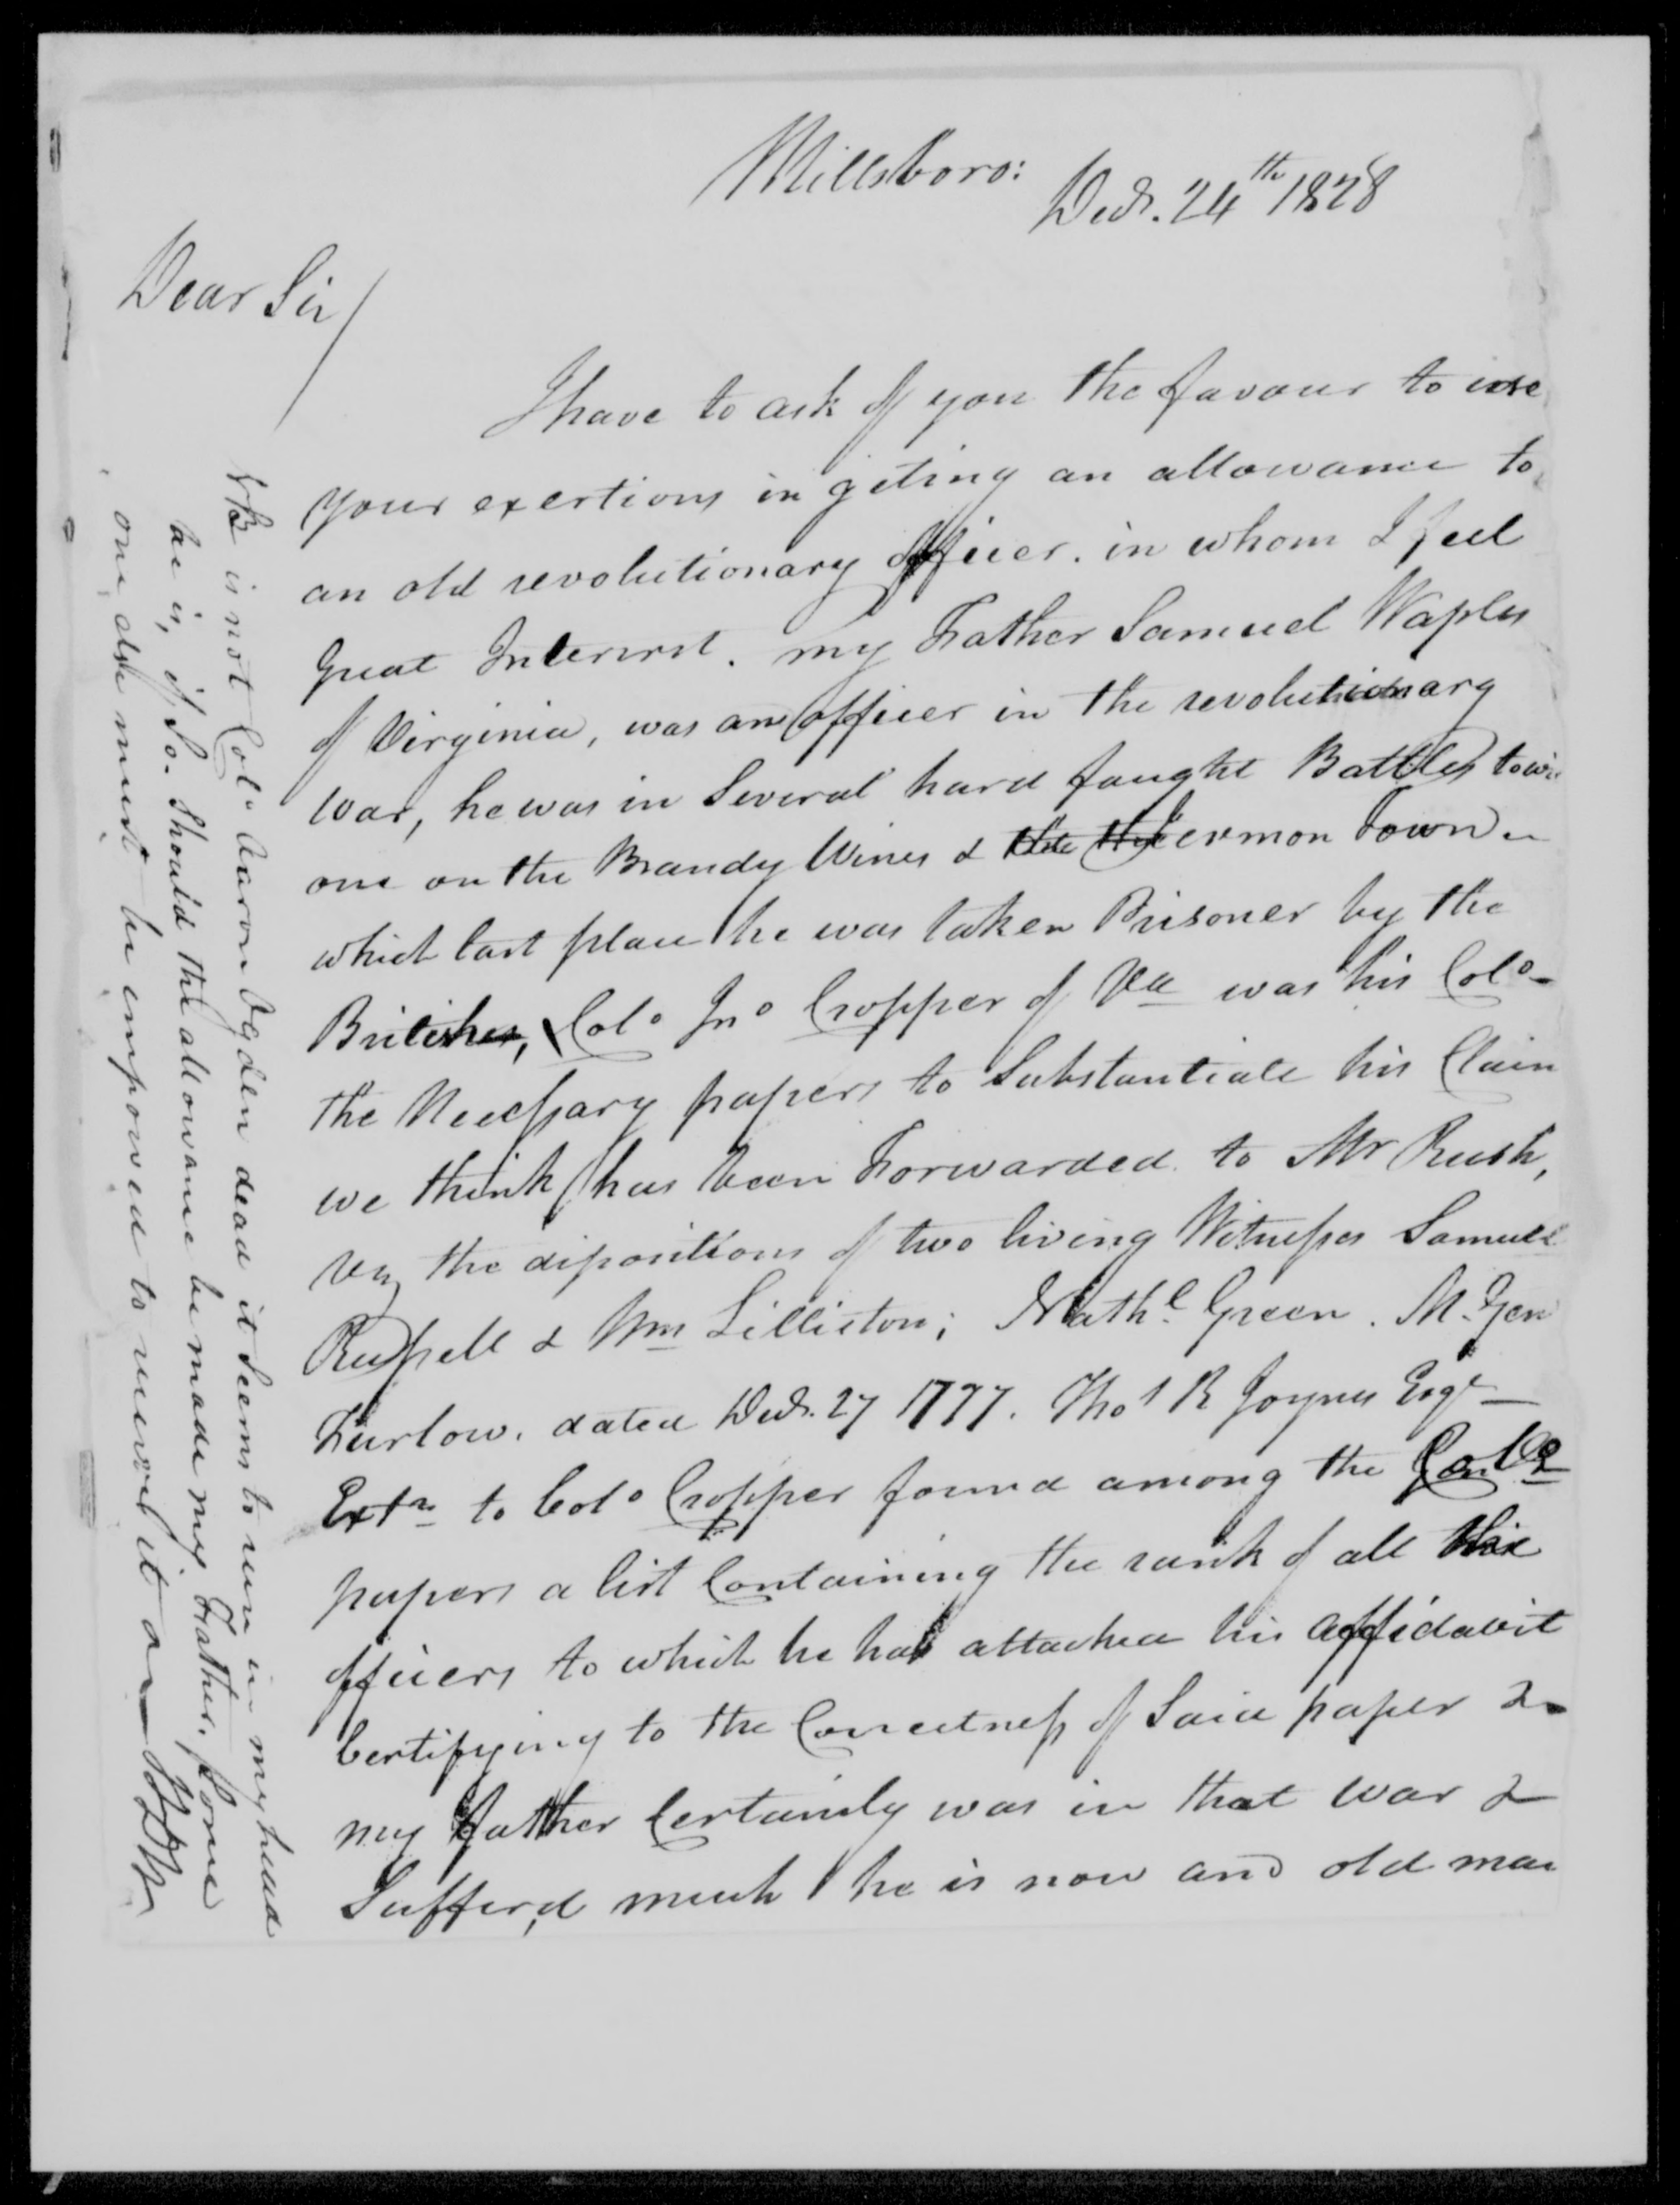Millsboro: Decr. 24th 1828

Dear Sir/

I have to ask of you the favour to use your exertions in geting an allowance to an old revolutionary officer in whom I feel Great Interest, my Father Samuel Waples of Virginia, was an officer in the revolutionary war, he was in Several hard fought Battles towit; one on the Brandy Wines & the German Town in which last place he was taken Prisoner by the British, Col. Jno Cropper of Va was his Colo - the necessary papers to substantiate his claim
we think has been forwarded to Mr Rush, by the depositions of two living Witnesses Samuel Repell & Wm Lilliston; Nathl Green. M. Gen Furlow, dated Dec. 27 1777. Thos R Jones Esq Extr to Col Cropper found among the Colo's papers a list containing the rank of all the officers to which he has attached his affidavit Certifying to the Correctness of said paper & my father Certainly was in that war & Suffered much he is now and old man

LB is not Col. Aaron Ogden dead it seems to Run in my head he is, If so, should the allowance be made my Father, Same one, she must be empowered to mention it GDW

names: Jno Cropper, Aaron Ogden, Nathl Green, Bush, Furlow, Wm Lilliston, Cropper, Samuel Russell, Thos R Joynes, Samuel Waples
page: 21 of 59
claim: widow's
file: W. 6427, Samuel Waples, Va.